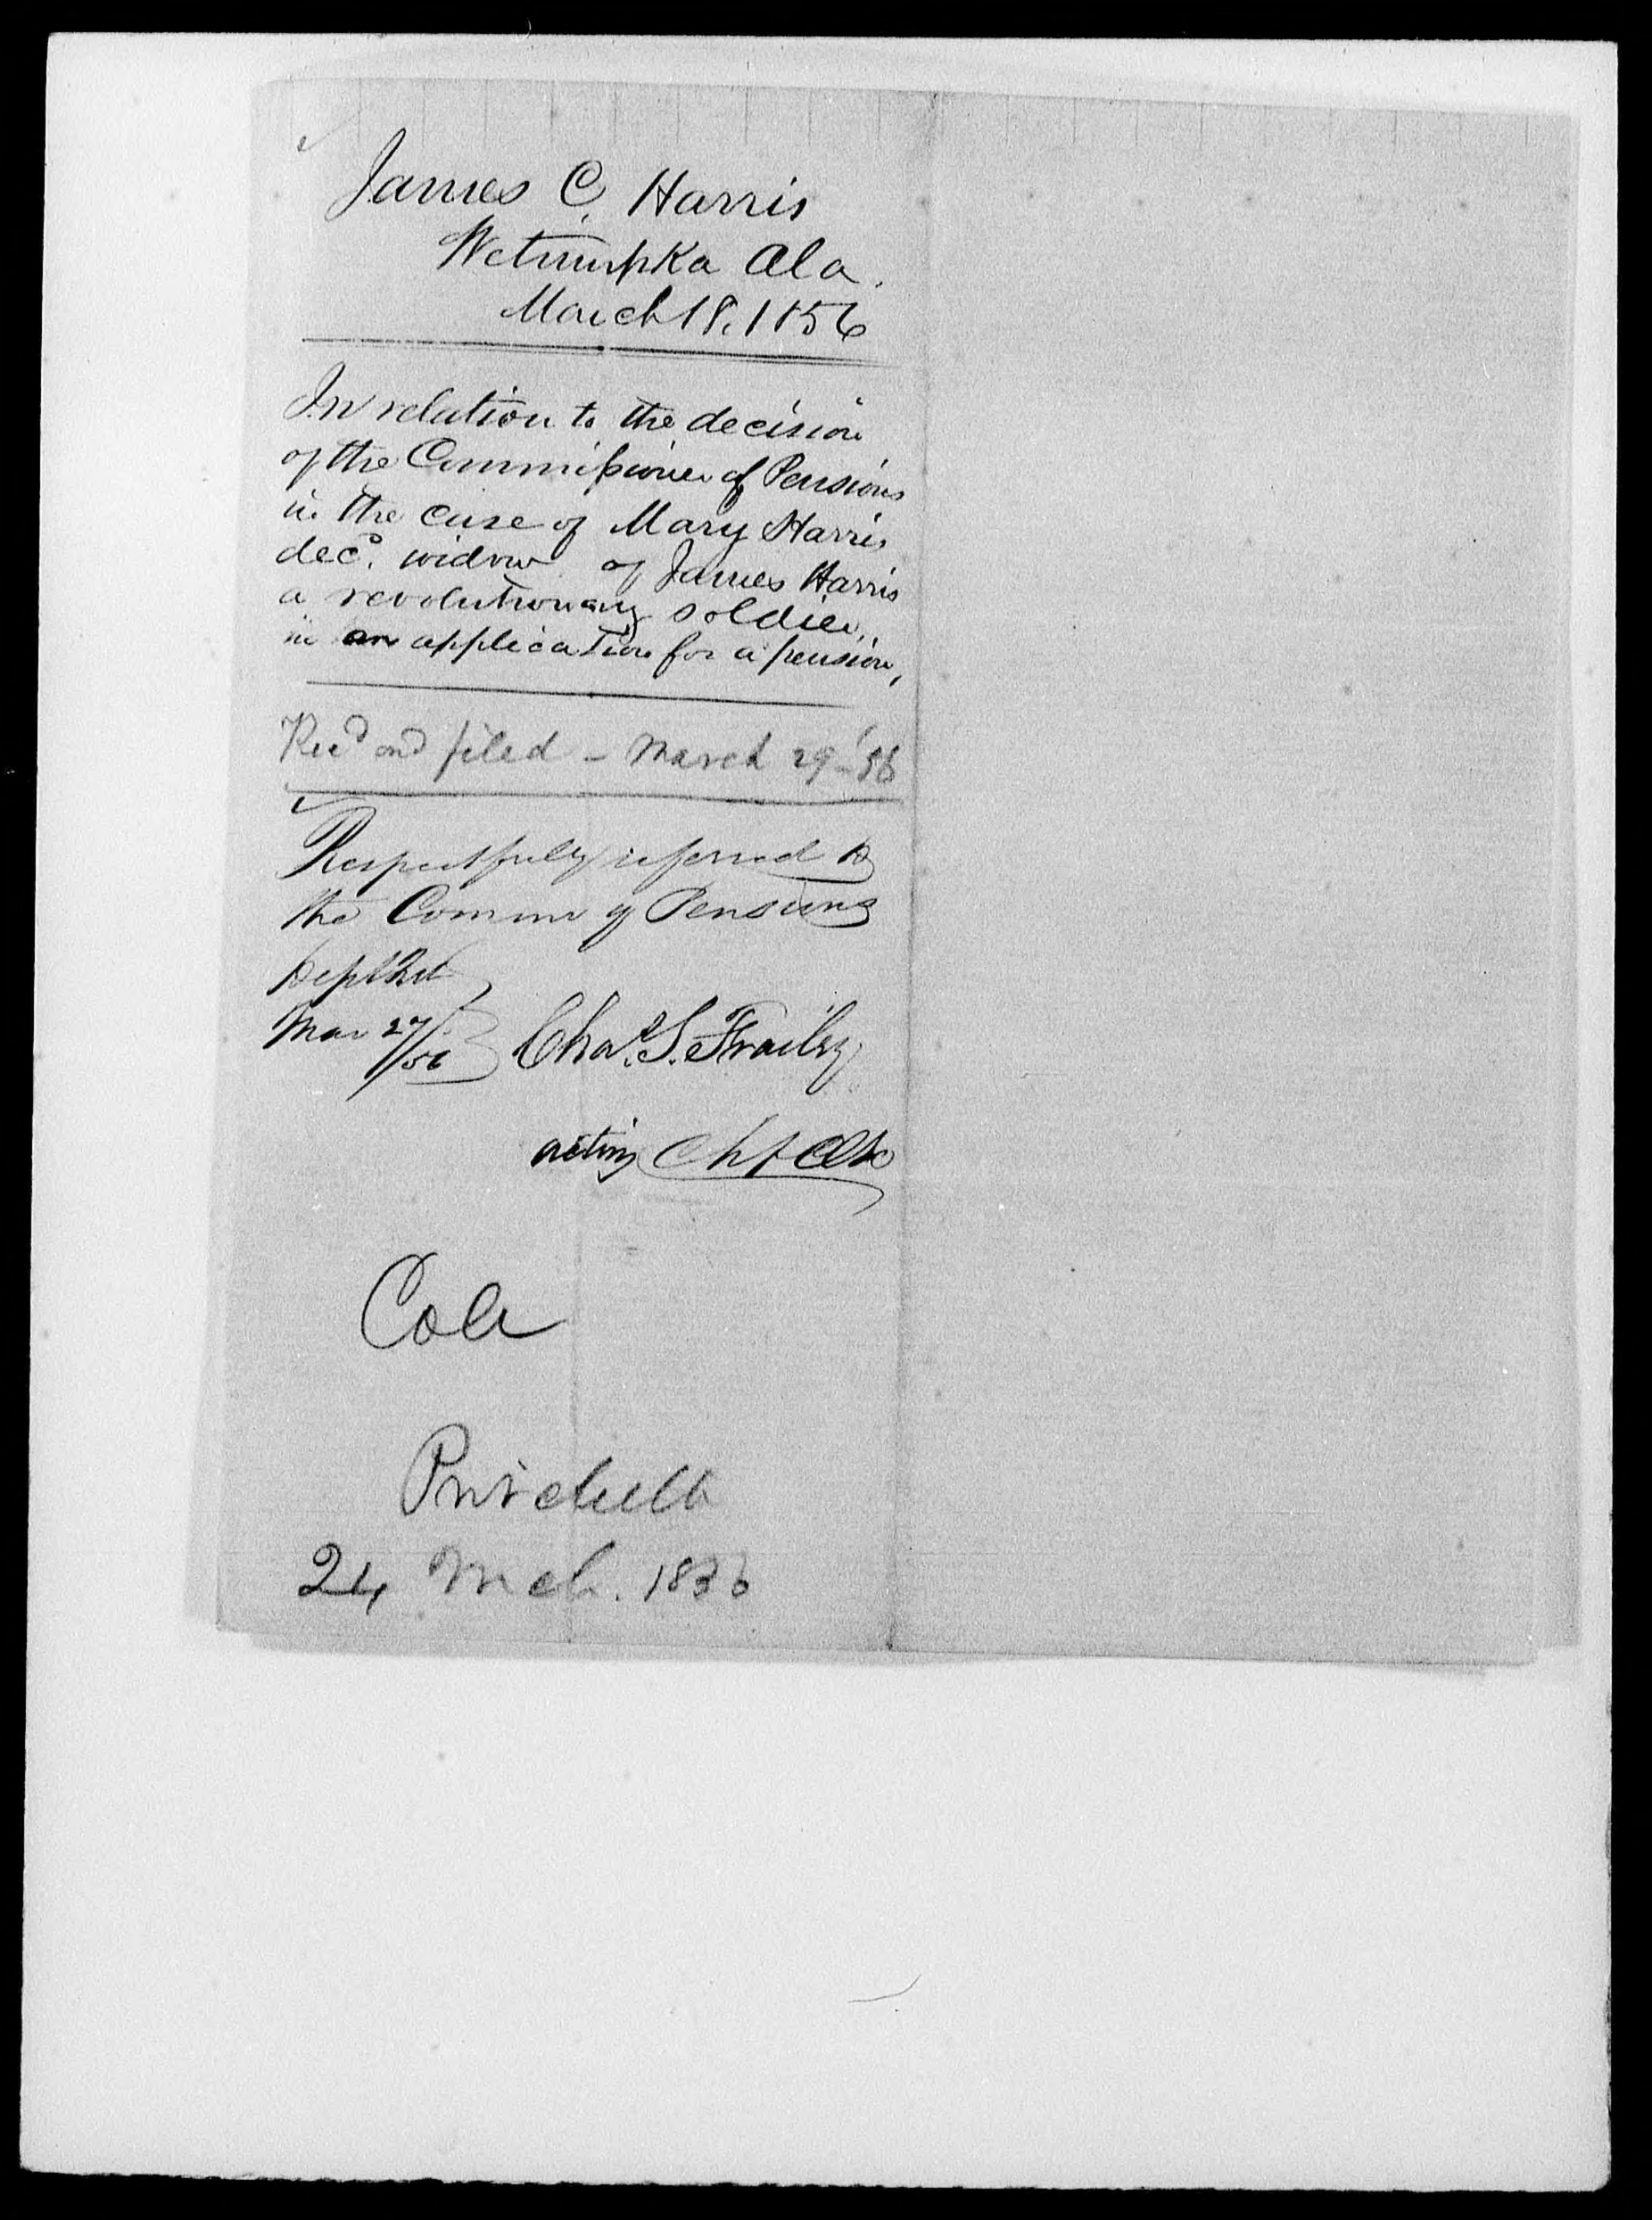[item is a sheet of paper or a book open to two pages.  Writing is only on the left half.]

James C. Harris
Wetumpka Ala
March 18, 1856

In relation to the decision of the Commissioner of Pensions in the case of Mary Harris decd, widow of James Harris a revolutionary soldier, in an application for a pension.

Recd and filed March 29 '58

Respectfully refrred to
 the Comms of Pensions
[?]
Mar 27/56

Cha. S Frailey
acting Chf Clk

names: James Harris, Pritchette, Mary Harris, Chas S Frailey, James C Harris, Cole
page: 55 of 160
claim: rejected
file: R. 4666, James Harris, Va.